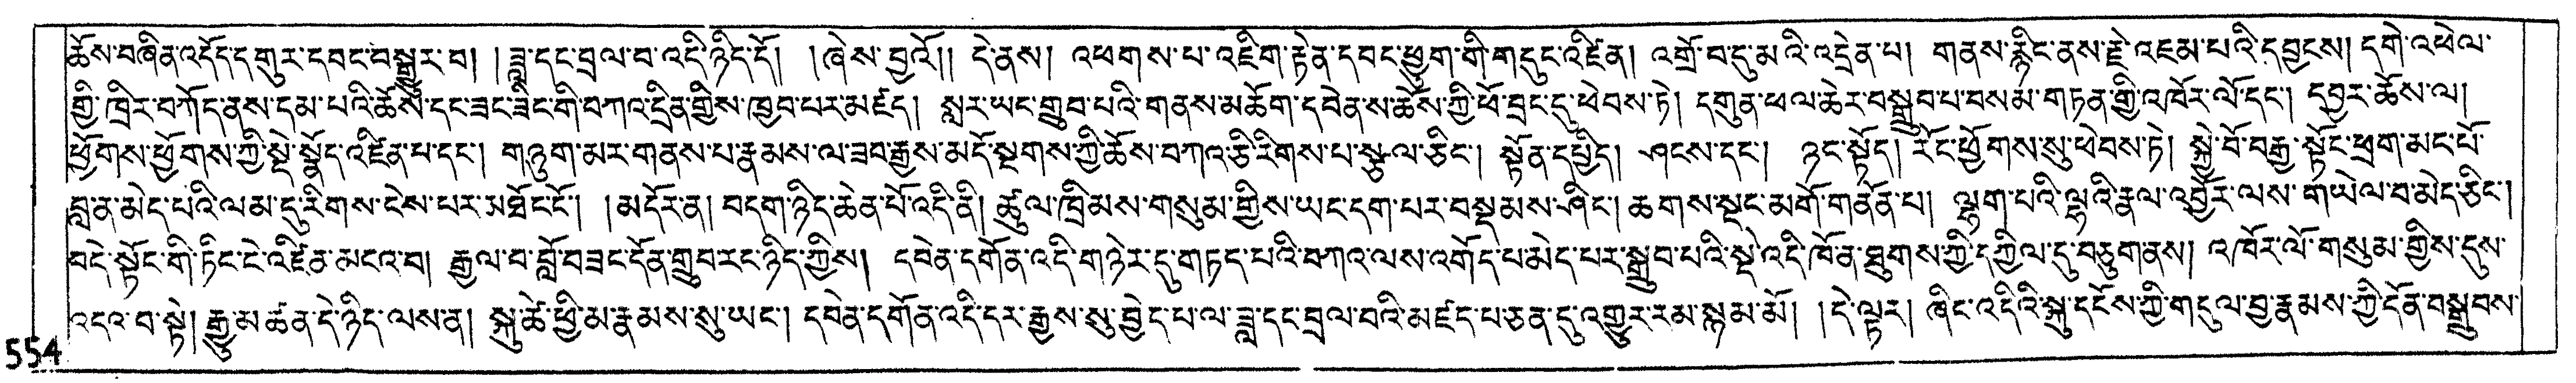ཆོས་བཞིན་འདོད་དགུར་དབང་བསྒྱུར་བ། །ཟླ་དང་བྲལ་བ་འདི་ཉིད་དོ། །ཞེས་བྱའོ། །དེ་ནས། འཕགས་པ་འཇིག་རྟེན་དབང་ཕྱུག་གི་གདུང་འཛིན། འགྲོ་བ་དུ་མའི་འདྲེན་པ། གནས་རྙིང་ནས་རྗེ་འཇམ་པའི་དབྱངས། དགེ་འཕེལ་
གྱི་ཁྲིར་བཀོད་ནས་དམ་པའི་ཆོས་དང་ཟང་ཟིང་གི་བཀའ་དྲིན་གྱིས་ཁྱབ་པར་མཛད། སླར་ཡང་གྲུབ་པའི་གནས་མཆོག་དབེན་ས་ཆོས་ཀྱི་ཕོ་བྲང་དུ་ཕེབས་ཏེ། དགུན་ཕལ་ཆེར་བསྒྲུབ་པ་བསམ་གཏན་གྱི་འཁོར་ལོ་དང་། དབྱར་ཆོས་ལ།
ཕྱོགས་ཕྱོགས་ཀྱི་སྡེ་སྣོད་འཛིན་པ་དང་། གཉུག་མར་གནས་པ་རྣམས་ལ་ཟབ་རྒྱས་མདོ་སྔགས་ཀྱི་ཆོས་བཀའ་ཅི་རིགས་པ་སྩལ་ཅིང་། སྟོན་དཔྱིད། ཤངས་དང་། ཉང་སྟོད། རོང་ཕྱོགས་སུ་ཕེབས་ཏེ། སྐྱེ་བོ་བརྒྱ་སྟོང་ཕྲག་མང་པོ་
བླ་ན་མེད་པའི་ལམ་དུ་རིགས་ངེས་པར་མཐོང་ངོ། །མདོར་ན། བདག་ཉིད་ཆེན་པོ་འདི་ནི། ཚུལ་ཁྲིམས་གསུམ་གྱིས་ཡང་དག་པར་བསྡམས་ཤིང་། ཆགས་སྡང་མགོ་གནོན་པ། ལྷག་པའི་ལྷའི་རྣལ་འབྱོར་ལས་གཡེལ་བ་མེད་ཅིང་།
བདེ་སྟོང་གི་ཏིང་ངེ་འཛིན་མངའ་བ། རྒྱལ་བ་བློ་བཟང་དོན་གྲུབ་རང་ཉིད་ཀྱིས། དབེན་དགོན་འདི་གཉེར་དུ་གཏད་པའི་བཀའ་ལས་འགོད་པ་མེད་པར་སྒྲུབ་པའི་སྡེ་འདི་ཁོ་ན་ཐུགས་ཀྱི་དཀྱིལ་དུ་བཅུག་ནས། འཁོར་ལོ་གསུམ་གྱིས་དུས་
འདའ་བ་སྟེ། རྒྱུ་མཚན་དེ་ཉིད་ལས་ན། སྐུ་ཚེ་ཕྱི་མ་རྣམས་སུ་ཡང་། དབེན་དགོན་འདི་དར་རྒྱས་སུ་བྱེད་པ་ལ་ཟླ་དང་བྲལ་བའི་མཛད་པ་ཅན་དུ་འགྱུར་རམ་སྙམ་མོ། །དེ་ལྟར། ཞིང་འདིའི་སྐུ་དངོས་ཀྱི་གདུལ་བྱ་རྣམས་ཀྱི་དོན་བསྒྲུབས་